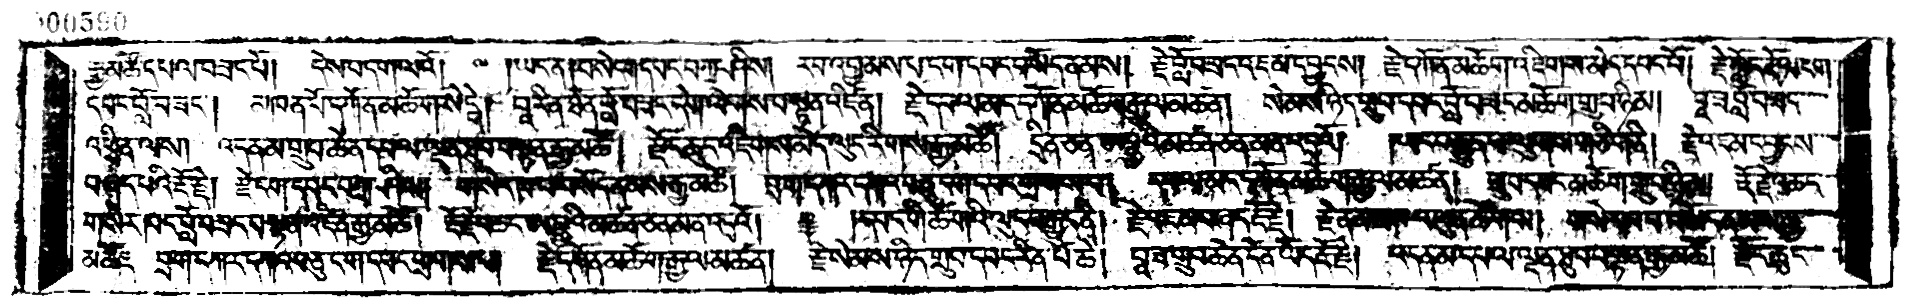རྒྱ་མཚོ་དཔལ་བཟང་པོ། དེས་བདག་ལའོ། ༧་།ཡང་ན། བསེ་ངག་དབང་བཀྲ་ཤིས། རབ་འབྱམས་པ་ངག་དབང་བསོད་ནམས། རྗེ་བློ་བཟང་འཇམ་དབྱངས། རྗེ་དཀོན་མཆོག་འཇིགས་མེད་དབང་པོ། རྗེ་ཀློང་རྡོལ་ངག་
དབང་བློ་བཟང་། མཁན་པོ་དཀོན་མཆོག་སེངྒེ། བཱ་རིན་ཐོན་བློ་བཟང་དགེ་ལེགས་བསྟན་འཛིན། རྗེ་དཔལ་མང་དཀོན་མཆོག་རྒྱལ་མཚན། སེམས་ཉིད་གྲུབ་དབང་བློ་བཟང་མཆོག་གྲུབ་ཉིམ། བཱ་ཟ་བློ་བཟང་
འཕྲིན་ལས། འདན་མ་གྲུབ་ཆེན་དཔལ་ལྡན་ཐུབ་བསྟན་རྒྱ་མཚོ། རྫོང་ཆུང་འཇིགས་མེད་ལུང་རིགས་རྒྱ་མཚོ། དྲིན་ཅན་ཨ་བྷྱའི་མཚན་ཅན་མན་འདྲའོ། །ཡང་བརྒྱུད་པ་ལུགས་གཅིག་ནི། རྗེ་འཇམ་དབྱངས་
བཞད་པའི་རྡོ་རྗེ། རྗེ་ངག་དབང་བཀྲ་ཤིས། གསེར་ཁ་བ་བསོད་ནམས་རྒྱ་མཚོ། བྲག་དཀར་དཀའ་བཅུ་ངག་དབང་གྲགས་པ། དཔལ་མང་དཀོན་མཆོག་རྒྱལ་མཚན། གྲུབ་དབང་མཆོག་གྲུབ་ཉི་མ། རྡོ་རྗེ་འཆང་
གསེར་ཁང་བློ་བཟང་བསྟན་འཛིན་རྒྱ་མཚོ། རྡོ་རྗེ་འཆང་ཨ་བྷྱའི་མཚན་ཅན་མན་འདྲའོ། ༈ །དབང་གི་ཆོ་གའི་ལུང་བརྒྱུད་ནི། རྗེ་འཇམ་བཞད་རྡོ་རྗེ། རྗེ་ནམ་མཁའ་ཕུན་ཚོགས། གསེར་ཁ་བ་བསོད་ནམས་རྒྱ་
མཚོ༑ བྲག་དཀར་དཀའ་བཅུ་ངག་དབང་གྲགས་པ། རྗེ་དཀོན་མཆོག་རྒྱལ་མཚན། རྗེ་སེམས་ཉིད་གྲུབ་དབང་རིན་པོ་ཆེ། བཱ་ཟ་གྲུབ་ཆེན་དོན་ཡོད་རྡོ་རྗེ། འདན་མ་དཔལ་ལྡན་ཐུབ་བསྟན་རྒྱ་མཚོ། རྫོང་ཆུང་